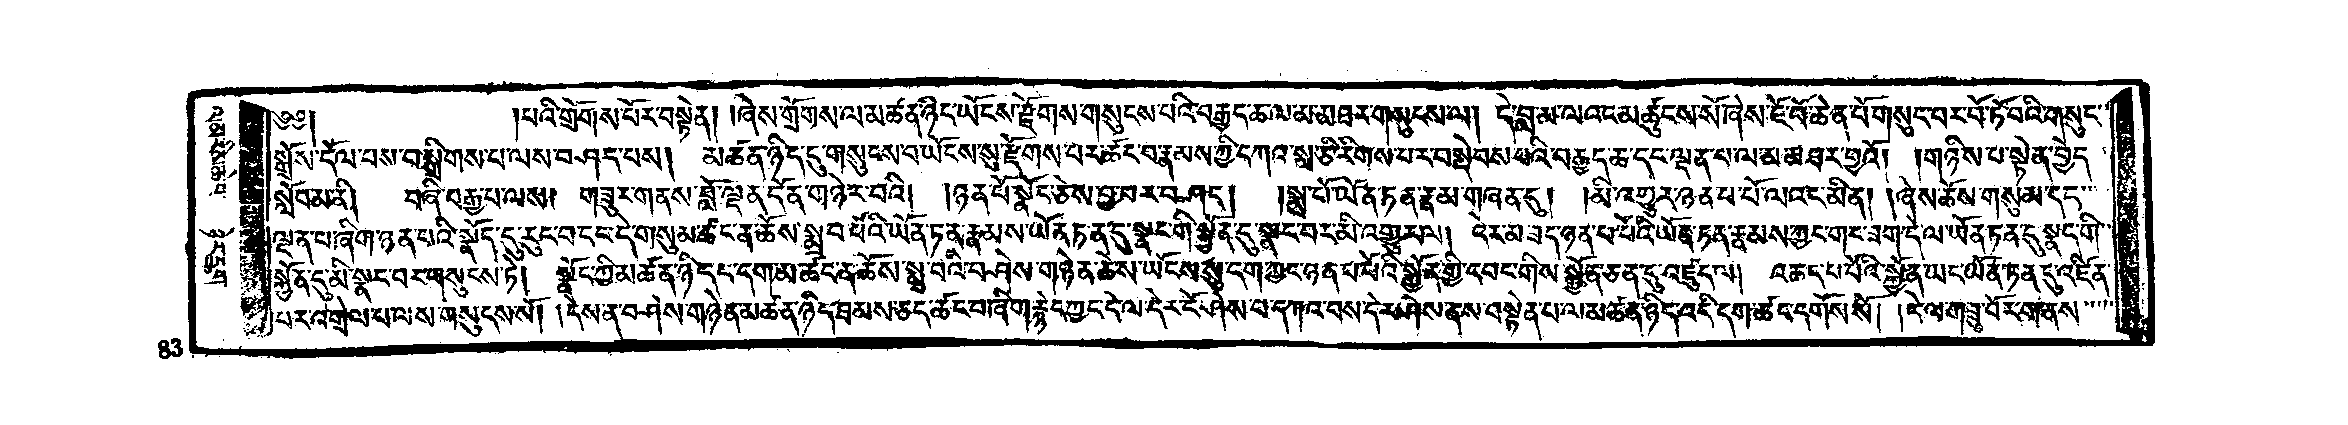༄༅། །པའི་གྲོགས་པོར་བསྟེན། །ཞེས་གྲོགས་ལ་མཚན་ཉིད་ཡོངས་རྫོགས་གསུངས་པའི་བརྒྱད་ཆ་ལ་མ་མཐར་གསུངས་ལ། དེ་བླ་མ་ལའང་མཚུངས་སོ་ཞེས་ཇོ་བོ་ཆེན་པོ་གསུང་བར་པོ་ཏོ་བའི་གསུང་
སྒྲོས་དོལ་པས་བསྒྲིགས་པ་ལས་བཤད་པས། མཚན་ཉིད་དུ་གསུངས་པ་ཡོངས་སུ་རྫོགས་པར་ཚང་བ་རྣམས་ཀྱི་དཀའ་སླ་ཅི་རིགས་པར་བསྡེབས་པའི་བརྒྱད་ཆ་དང་ལྡན་པ་ལ་མ་མཐར་བྱའོ། །གཉིས་པ་སྟེན་བྱེད་
སློབ་མ་ནི། བཞི་བརྒྱ་པ་ལས། གཟུར་གནས་བློ་ལྡན་དོན་གཉེར་བའི། །ཉན་པོ་སྣོད་ཅེས་བྱ་བར་བཤད། །སྨྲ་པོ་ཡོན་ཏན་རྣམ་གཞན་དུ། །མི་འགྱུར་ཉན་པ་པོ་ལའང་མིན། །ཞེས་ཆོས་གསུམ་དང་
ལྡན་པ་ཞིག་ཉན་པའི་སྣོད་དུ་རུང་བ་དང་དེ་གསུམ་ཚང་ན་ཆོས་སྨྲ་བ་པོའི་ཡོན་ཏན་རྣམས་ཡོན་ཏན་དུ་སྣང་གི་སྐྱོན་དུ་སྣང་བར་མི་འགྱུར་ལ། དེར་མ་ཟད་ཉན་པ་པོའི་ཡོན་ཏན་རྣམས་ཀྱང་གང་ཟག་དེ་ལ་ཡོན་ཏན་དུ་སྣང་གི་
སྐྱོན་དུ་མི་སྣང་བར་གསུངས་ཏེ། སྣོད་ཀྱི་མཚན་ཉིད་དེ་དག་མ་ཚང་ན་ཆོས་སྨྲ་བའི་བཤེས་གཉེན་ཆེས་ཡོངས་སུ་དག་ཀྱང་ཉན་པ་པོའི་སྐྱོན་གྱི་དབང་གིས་སྐྱོན་ཅན་དུ་འཛུད་ལ། འཆད་པ་པོའི་སྐྱོན་ཡང་ཡོན་ཏན་དུ་འཛིན་
པར་འགྲེལ་པ་ལས་གསུངས་སོ། །དེས་ན་བཤེས་གཉེན་མཚན་ཉིད་ཐམས་ཅད་ཚང་བ་ཞིག་རྙེད་ཀྱང་དེ་ལ་དེར་ངོ་ཤེས་པ་དཀའ་བས་དེར་ཤེས་ནས་བསྟེན་བ་ལ་མཚན་ཉིད་འདི་དག་ཚང་དགོས་སོ། །དེ་ལ་གཟུ་བོར་གནས་